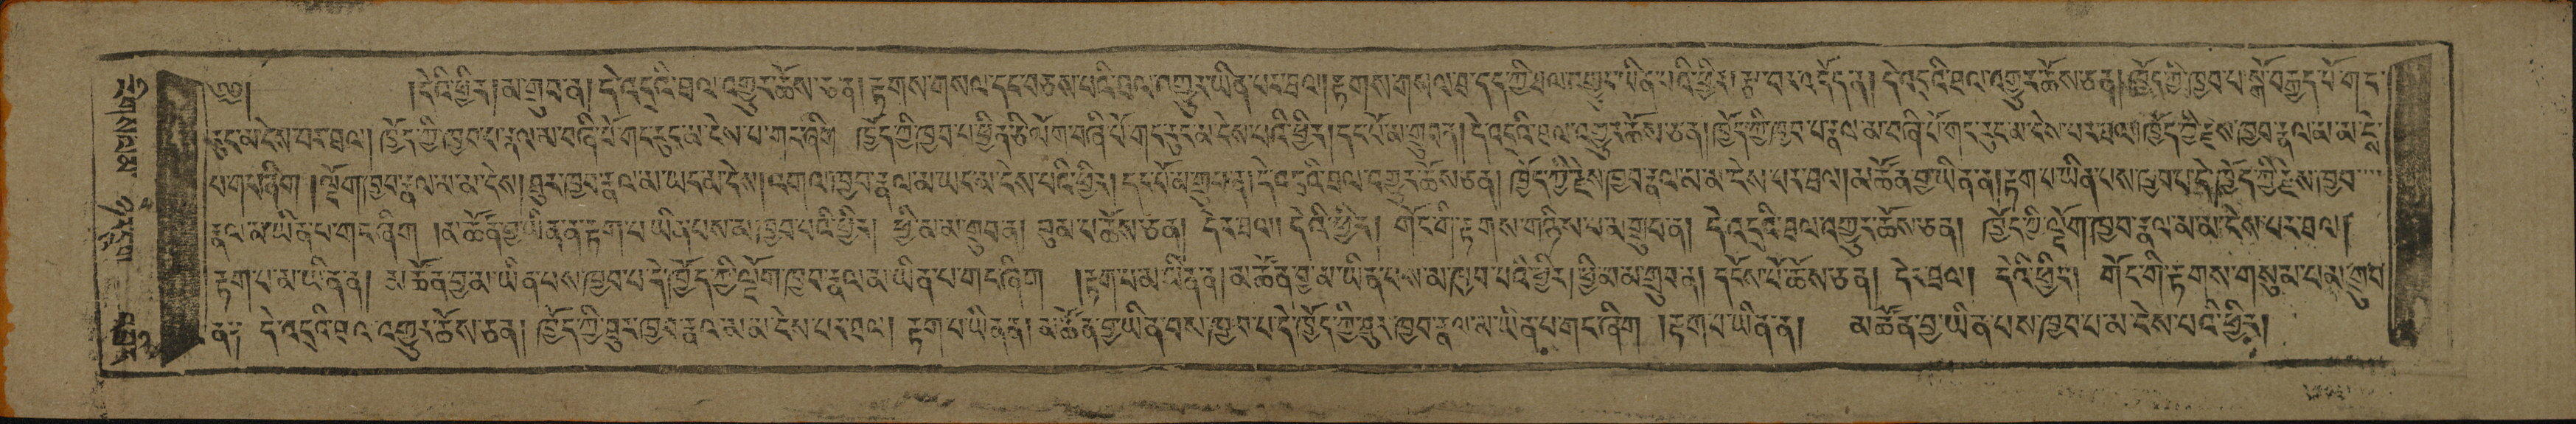༄༅། །དེའི་ཕྱིར། མ་གྲུབ་ན། དེ་འདྲའི་ཐལ་འགྱུར་ཆོས་ཅན། རྟགས་གསལ་དང་བཅས་པའི་ཐལ་འགྱུར་ཡིན་པར་ཐལ། རྟགས་གསལ་ཐ་དད་ཀྱི་ཐལ་འགྱུར་ཡིན་པའི་ཕྱིར། རྩ་བར་འདོད་ན། དེ་འདྲའི་ཐལ་འགྱུར་ཆོས་ཅན། ཁྱོད་ཀྱི་ཁྱབ་པ་སྒོ་བརྒྱད་པོ་གང་
རུང་མ་ངེས་པར་ཐལ། ཁྱོད་ཀྱི་ཁྱབ་པ་རྣལ་མ་བཞི་པོ་གང་རུང་མ་ངེས་པ་གང་ཞིག །ཁྱོད་ཀྱི་ཁྱབ་པ་ཕྱིན་ཅི་ལོག་བཞི་པོ་གང་རུང་མ་ངེས་པའི་ཕྱིར། དང་པོ་མ་གྲུབ་ན། དེ་འདྲའི་ཐལ་འགྱུར་ཆོས་ཅན། ཁྱོད་ཀྱི་ཁྱབ་པ་རྣལ་མ་བཞི་པོ་གང་རུང་མ་ངེས་པར་ཐལ། ཁྱོད་ཀྱི་རྗེས་ཁྱབ་རྣལ་མ་མ་ངེས་
པ་གང་ཞིག །ལྡོག་ཁྱབ་རྣལ་མ་མ་ངེས། ཐུར་ཁྱབ་རྣལ་མ་ཡང་མ་ངེས། འགལ་ཁྱབ་རྣལ་མ་ཡང་མ་ངེས་པའི་ཕྱིར། དང་པོ་མ་གྲུབ་ན། དེ་འདྲའི་ཐལ་འགྱུར་ཆོས་ཅན། ཁྱོད་ཀྱི་རྗེས་ཁྱབ་རྣལ་མ་མ་ངེས་པར་ཐལ། མཚོན་བྱ་ཡིན་ན། རྟག་པ་ཡིན་པས་ཁྱབ་པ་དེ་ཁྱོད་ཀྱི་རྗེས་ཁྱབ་
རྣལ་མ་ཡིན་པ་གང་ཞིག །མཚོན་བྱ་ཡིན་ན་རྟག་པ་ཡིན་པས་མ་ཁྱབ་པའི་ཕྱིར། ཕྱི་མ་མ་གྲུབ་ན། བུམ་པ་ཆོས་ཅན། དེར་ཐལ། དེའི་ཕྱིར། གོང་གི་རྟགས་གཉིས་པ་མ་གྲུབ་ན། དེ་འདྲའི་ཐལ་འགྱུར་ཆོས་ཅན། ཁྱོད་ཀྱི་ལྡོག་ཁྱབ་རྣལ་མ་མ་ངེས་པར་ཐལ།
རྟག་པ་མ་ཡིན་ན། མཚོན་བྱ་མ་ཡིན་པས་ཁྱབ་པ་དེ་ཁྱོད་ཀྱི་ལྡོག་ཁྱབ་རྣལ་མ་ཡིན་པ་གང་ཞིག །རྟག་པ་མ་ཡིན་ན། མཚོན་བྱ་མ་ཡིན་པས་མ་ཁྱབ་པའི་ཕྱིར། ཕྱི་མ་མ་གྲུབ་ན། དངོས་པོ་ཆོས་ཅན། དེར་ཐལ། དེའི་ཕྱིར། གོང་གི་རྟགས་གསུམ་པ་མ་གྲུབ་
ན༑ དེ་འདྲའི་ཐལ་འགྱུར་ཆོས་ཅན། ཁྱོད་ཀྱི་ཐུར་ཁྱབ་རྣལ་མ་མ་ངེས་པར་ཐལ། རྟག་པ་ཡིན་ན། མཚོན་བྱ་ཡིན་པས་ཁྱབ་པ་དེ་ཁྱོད་ཀྱི་ཐུར་ཁྱབ་རྣལ་མ་ཡིན་པ་གང་ཞིག །རྟག་པ་ཡིན་ན། མཚོན་བྱ་ཡིན་པས་ཁྱབ་པ་མ་ངེས་པའི་ཕྱིར།